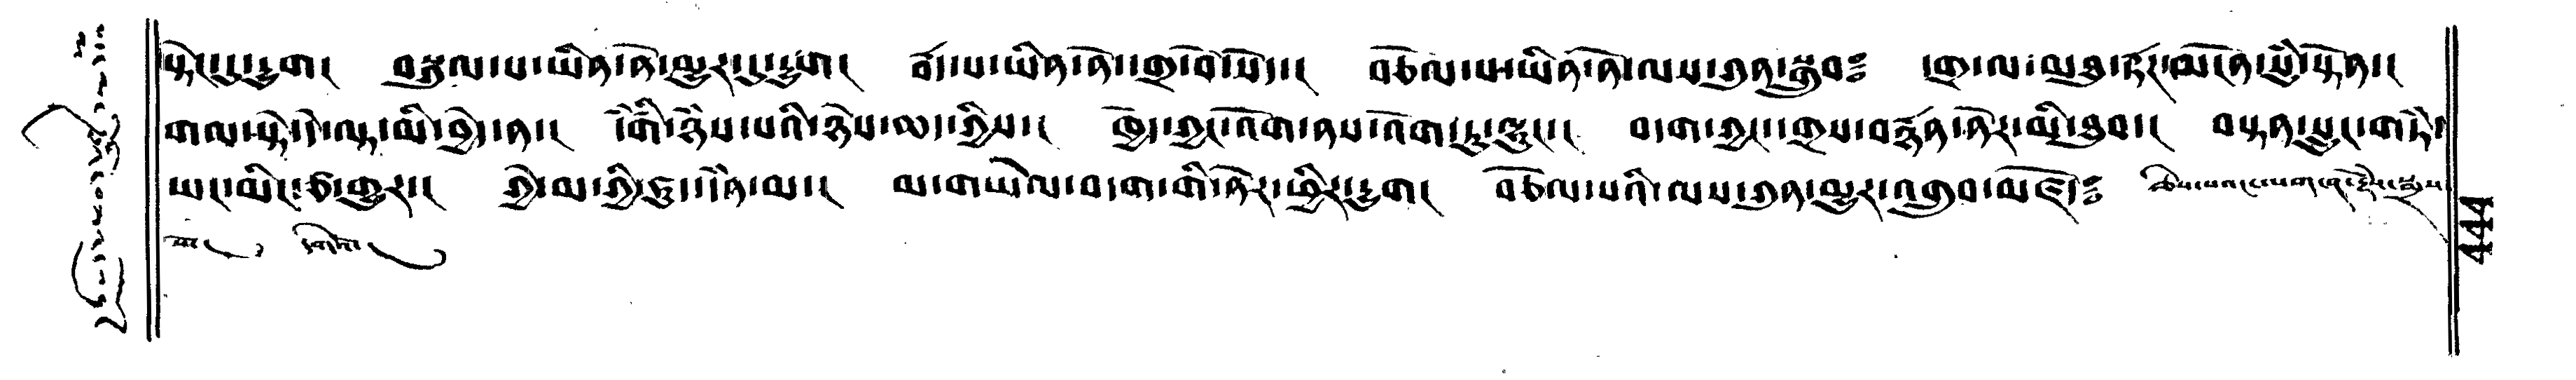སྟེང་དུ་རྒྱུག །བསྐུལ་པ་ཡིན་ནོ་མྱུར་དུ་རྒྱུག །རྦད་པ་ཡིན་ནོ་དགྲ་བོ་སོད། །བཅོལ་པ་ཡིན་ནོ་ལས་ཀུན་སྒྲུབས། །དགྲ་ལ་མཐུ་རྟགས་མངོན་སུམ་སྟོན། །
གལ་སྟེ་དེ་ལྟ་མི་བྱེད་ན། །དམ་ཚིག་ཉམས་པའི་ཉེས་ཆད་ཀྱིས། ཁྱོད་ཀྱང་འོག་ནས་འོག་ཏུ་ལྷུང་། །བདག་ཀྱང་དགྲས་བརྙས་ནོར་མི་ཐུབ། །བསྟན་སྲུང་གཏམ་
ཡང་མིང་ཙམ་གྱུར། །ཀྱེ་མ་ཀྱི་ཧུད་དམ་ཅན་མ། །མ་གཡེལ་བདག་གི་ནོར་ཕྱིར་རྒྱུགས། །བཅོལ་པའི་ལས་ཀུན་མྱུར་འགྲུབ་མཛོད། ཅེས་པའང་ལག་ན་རྡོ་རྗེས་སྨྲས་
སོ།། དགེའོ།། །།